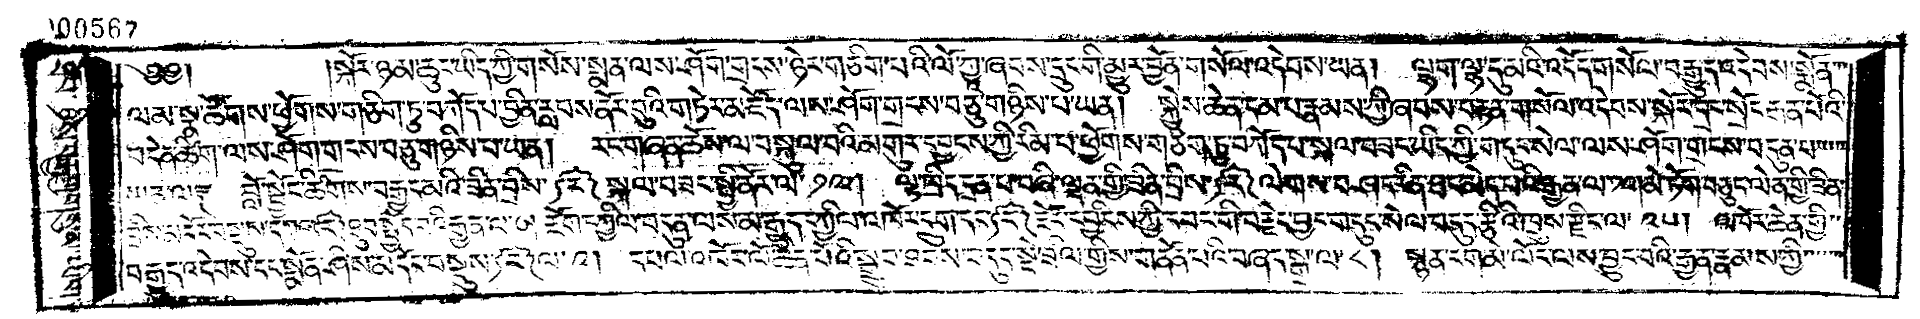༄༅། །སྐོར་ཉམ་ཆུང་ཡིད་ཀྱི་གསོས་སྨན་ལས་ཤོག་གྲངས་ཉེར་གཅིག་པའི་ལོ་ཀྱཱ་ཞབས་དྲུང་གི་མྱུར་བྱོན་གསོལ་འདེབས་ཡན། ལྷག་ལྷ་དུ་མའི་འདོད་གསོལ་བརྒྱུད་འདེབས་སྨོན་
ལམ་སྣ་ཚོགས་ཕྱོགས་གཅིག་ཏུ་བཀོད་པ་བྱིན་རླབས་ནོར་བུའི་གཏེར་མཛོད་ལས་ཤོག་གྲངས་བཅུ་གཉིས་པ་ཡན། སྐྱེས་ཆེན་དམ་པ་རྣམས་ཀྱི་ཞབས་བརྟན་གསོལ་འདེབས་སྐོར་དྲང་སྲོང་རྒན་པོའི་
བདེན་ཚིག་ལས་ཤོག་གྲངས་བཅུ་གཉིས་པ་ཡན། རང་གཞན་ཆོས་ལ་བསྐུལ་བའི་མགུར་དབྱངས་ཀྱི་རིམ་པ་ཕྱོགས་གཅིག་ཏུ་བཀོད་པ་སྐལ་བཟང་ཡིད་ཀྱི་གདུང་སེལ་ལས་ཤོག་གྲངས་བདུན་པ་
ཡན་ལ༑ བློ་སྦྱོང་ཚིགས་བརྒྱད་མའི་ཟིན་བྲིས ༼ར༽ སྐལ་བཟང་སྤྱི་ནོར་ལ ༡༣། ལྟ་ཁྲིད་དྲན་པ་བཞི་ལྡན་གྱི་ཟིན་བྲིས ༼ར༽ ལེགས་བཤད་རིན་ཐང་མེད་པའི་རྒྱན་ལ ༡༢། མེ་ཏོག་བཅུད་ལེན་གྱི་ཟིན་
བྲིས་མདོར་བསྡུས་དཀའ ༼ར༽ ཐུབ་སྤྱོད་བའི་རྒྱན་ལ ༦། རྔོག་དཀྱིལ་བདུན་ལས་མ་རྒྱུད་དཀྱིལ་འཁོར་དྲུག་དང ༼ར༽ རྡོར་དབྱིངས་ཀྱི་དབང་གི་བརྗེད་བྱང་གདུང་སེལ་བདུད་རྩིའི་ཁྲུས་རྫིང་ལ ༢༥། འཁོར་ཆེན་གྱི་
བརྒྱུད་འདེབས་དང་སྨོན་ཤིས་མདོར་བསྡུས ༼ར༽ ལ ༢། དཔལ་འཁོར་ལོ་ཆེན་པོའི་སྒྲུབ་ཐབས་བདུད་སྡེ་ཟིལ་གྱིས་གནོན་པའི་བཞད་སྒྲ་ལ ༨། སྙན་ངག་མེ་ལོང་ལས་བྱུང་བའི་རྒྱན་རྣམས་ཀྱི་